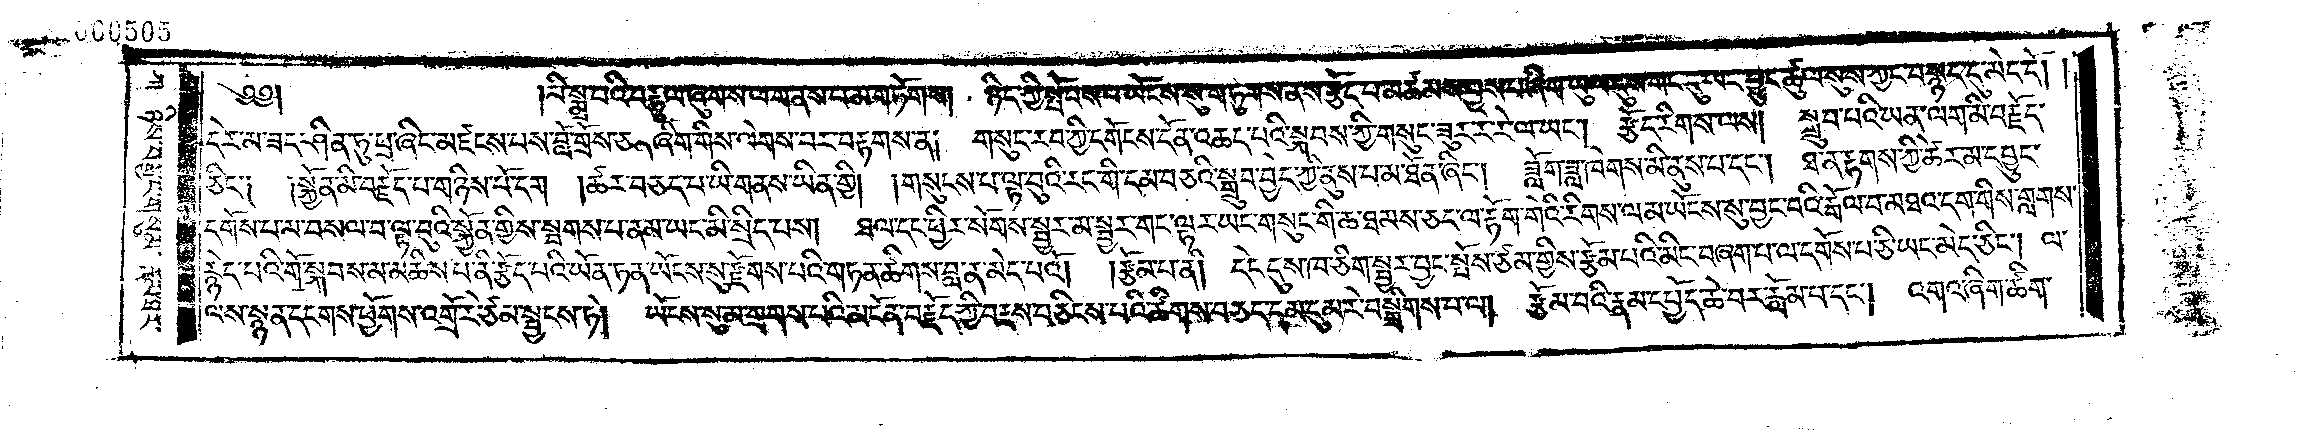༄༅། །མི་སྨྲ་བའི་བརྟུལ་ཞུགས་ལ་གནས་པ་མ་གཏོགས། ཉིད་ཀྱི་སྤོབས་པ་ཡོངས་སུ་གཏུགས་ནས་རྩོད་པ་མཚམས་བྱས་པ་ཞིག་ཡུལ་དུས་གང་དུ་ཡང་བྱུང་ཚུལ་སུས་ཀྱང་བསྙད་དུ་མེད་དོ། ། དེར་མ་ཟད་ཤིན་ཏུ་ཕྲ་ཞིང་མཛངས་པས་བློ་གྲོས་ཅན་ཞིག་གིས་ལེགས་པར་བརྟགས་ན། གསུང་རབ་ཀྱི་དགོངས་དོན་འཆད་པའི་སྐབས་ཀྱི་གསུང་ཟུར་རེ་རེ་ལ་ཡང་། རྩོད་རིགས་ལས། སྒྲུབ་པའི་ཡན་ལག་མི་བརྗོད་
ཅིང༑ ༑སྐྱོན་མི་བརྗོད་པ་གཉིས་པོ་དག །ཚར་བཅད་པ་ཡི་གནས་ཡིན་གྱི། །གསུངས་པ་ལྟ་བུའི་རང་གི་དམ་བཅའི་སྒྲུབ་བྱེད་ཀྱི་ནུས་པ་མ་ཐོན་ཞིང་། ཟློག་ཟླ་ཁེགས་མི་ནུས་པ་དང་། ཐ་ན་རྟགས་ཀྱི་ཚེར་མ་དབྱུང་
དགོས་པ་མ་བསལ་བ་ལྟ་བུའི་སྐྱོན་གྱིས་སྦགས་པ་ནམ་ཡང་མི་སྲིད་པས། ཐལ་དང་ཕྱིར་སོགས་སྦྱར་མ་སྦྱར་གང་ལྟར་ཡང་གསུང་གི་ཆ་ཐམས་ཅད་ལ་རྟོག་གེའི་རིགས་ལམ་ཡོངས་སུ་བྱང་བའི་རྒོལ་བ་མཐའ་དག་གིས་གླགས་
རྙེད་པའི་གོ་སྐབས་མ་མཆིས་པ་ནི་རྩོད་པའི་ཡོན་ཏན་ཡོངས་སུ་རྫོགས་པའི་གཏན་ཚིགས་བླ་ན་མེད་པའོ། །རྩོམ་པ་ནི། དེང་དུས་ཁ་ཅིག་སྦྱར་བྱང་སྤོས་ཙམ་གྱིས་རྩོམ་པའི་མིང་བཞག་པ་ལ་དགོས་པ་ཅི་ཡང་མེད་ཅིང་། ལ་
ལས་སྙན་དངགས་ཕྱོགས་འགྲོ་རེ་ཙམ་སྦྱངས་ཏེ། ཡོངས་སུ་མ་གྲགས་པའི་མངོན་བརྗོད་ཀྱི་བརྡས་བཅིངས་པའི་ཚིགས་བཅད་དམ་དུམ་རེ་བསྒྲིགས་པ་ལ། རྩོམ་པའི་རྣམ་དཔྱོད་ཆེ་བར་རློམ་པ་དང་། འགའ་ཞིག་ཚིག་